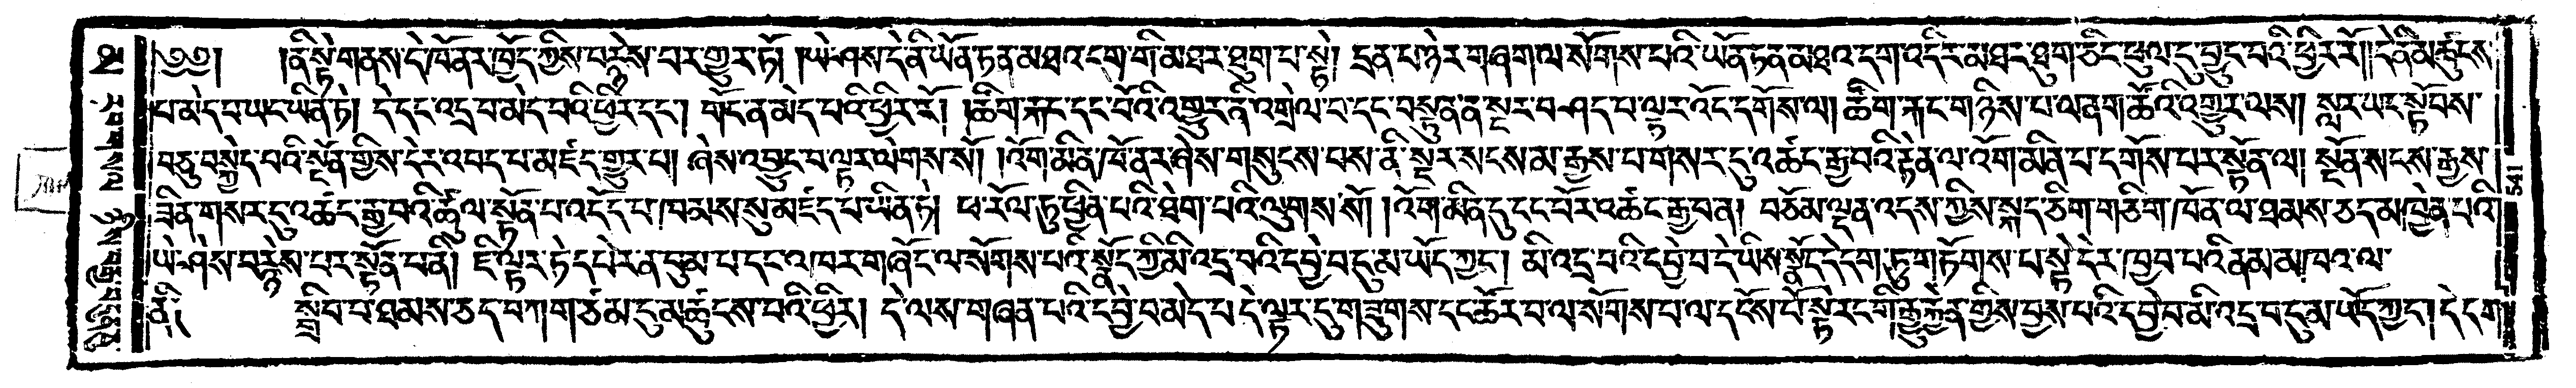༄༅། །ནི་སྟེ་གནས་དེ་ཁོ་ནར་ཁྱོད་ཀྱིས་བརྙེས་པར་གྱུར་ཏོ། །ཡེ་ཤེས་དེ་ནི་ཡོན་ཏན་མཐའ་དག་གི་མཐར་ཐུག་པ་སྟེ། དྲན་པ་ཉེར་གཞག་ལ་སོགས་པའི་ཡོན་ཏན་མཐའ་དག་འདིར་མཐར་ཐུག་ཅིང་ཕུལ་དུ་བྱུང་བའི་ཕྱིར་རོ། །དེ་ནི་མཚུངས་
པ་མེད་པ་ཡང་ཡིན་ཏེ། དེ་དང་འདྲ་བ་མེད་པའི་ཕྱིར་དང་། གོང་ན་མེད་པའི་ཕྱིར་རོ། །ཚིག་རྐང་དང་པོའི་འགྱུར་ནི་འགྲེལ་པ་དང་བསྟུན་ན་སྔར་བཤད་པ་ལྟར་འོང་དགོས་ལ། ཚིག་རྐང་གཉིས་པ་ལ་ནག་ཚོའི་འགྱུར་ལས། སླར་ཡང་སྟོབས་
བཅུ་བསྐྱེད་པའི་སྔོན་གྱིས་དེར་འབད་བ་མཛད་གྱུར་པ། ཞེས་འབྱུང་བ་ལྟར་ལེགས་སོ། །འོག་མིན་ཁོ་ནར་ཞེས་གསུངས་པས་ནི་སྔར་སངས་མ་རྒྱས་པ་གསར་དུ་འཚང་རྒྱ་བའི་རྟེན་ལ་འོག་མིན་པ་དགོས་པར་སྟོན་ལ། སྔོན་སངས་རྒྱས་
ཟིན་གསར་དུ་འཚང་རྒྱ་བའི་ཚུལ་སྟོན་པ་འདོད་པ་ཁམས་སུ་མཛད་པ་ཡིན་ཏེ། ཕ་རོལ་ཏུ་ཕྱིན་པའི་ཐེག་པའི་ལུགས་སོ། །འོག་མིན་དུ་དང་པོར་འཚང་རྒྱ་བ་ན། བཅོམ་ལྡན་འདས་ཀྱིས་སྐད་ཅིག་གཅིག་ཁོ་ན་ལ་ཐམས་ཅད་མཁྱེན་པའི་
ཡེ་ཤེས་བརྙེས་པར་སྟོན་པ་ནི། ཇི་ལྟར་ཏེ་དཔེར་ན་བུམ་པ་དང་འཁར་གཞོང་ལ་སོགས་པའི་སྣོད་ཀྱི་མི་འདྲ་བའི་དབྱེ་བ་དུ་མ་ཡོད་ཀྱང་། མི་འདྲ་བའི་དབྱེ་བ་དེ་ཡིས་སྣོད་དེ་དག་ཏུ་གཏོགས་པ་སྟེ་དེར་ཁྱབ་པའི་ནམ་མཁའ་ལ་
ནི༑ སྒྲིབ་པ་ཐམས་ཅད་བཀག་ཙམ་དུ་མཚུངས་པའི་ཕྱིར། དེ་ལས་གཞན་པའི་དབྱེ་བ་མེད་པ་དེ་ལྟར་དུ་གཟུགས་དང་ཚོར་བ་ལ་སོགས་པ་ལ་དངོས་པོ་སྟེ་རང་གི་རྒྱུ་རྐྱེན་གྱིས་བྱས་པའི་དབྱེ་བ་མི་འདྲ་བ་དུ་མ་ཡོད་ཀྱང་། དེ་དག་